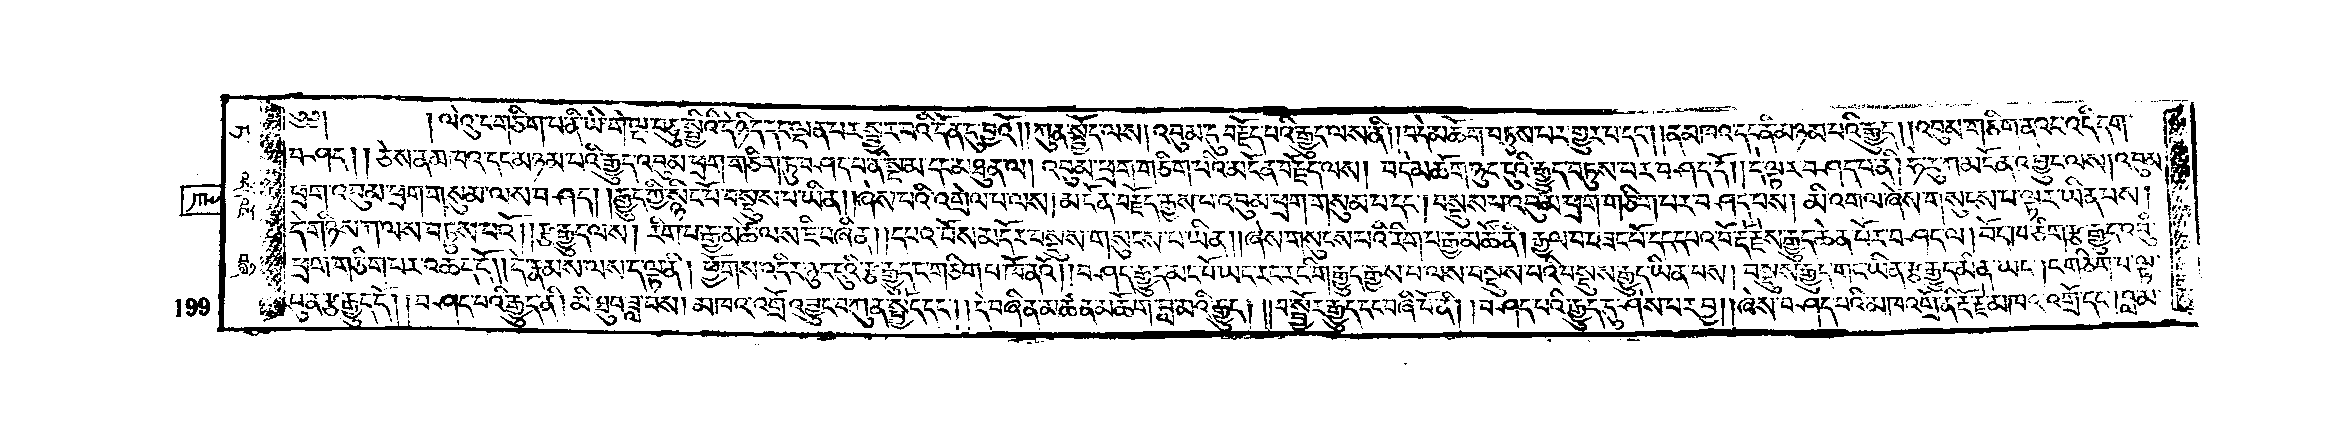༄༅། །ལེའུ་ང་གཅིག་པ་ནི་ཡི་གེ་ལྔ་བཅུ་སྤྱིའི་དེ་ཉིད་དང་ལྡན་པར་སྦྱར་བའི་དོན་དུ་བྱའོ། །ཀུན་སྤྱོད་ལས། འབུམ་དུ་བརྗོད་པའི་རྒྱུད་ལས་ནི། །བདེ་མཆོག་བཏུས་པར་གྱུར་པ་དང་། །ནམ་མཁའ་དང་ནི་མཉམ་པའི་རྒྱུད། །འབུམ་གཅིག་ནའང་འདི་དག་
བཤད། །ཅེས་ནམ་མཁའ་དང་མཉམ་པའི་རྒྱུད་འབུམ་ཕྲག་གཅིག་ཏུ་བཤད་པ་ནི་སྔ་མ་དང་མཐུན་ལ། འབུམ་ཕྲག་གཅིག་པའི་མངོན་བརྗོད་ལས། བདེ་མཆོག་ཉུང་ངུའི་རྒྱུད་བཏུས་པར་བཤད་དོ། །དེ་ལྟར་བཤད་པ་ནི། ཧེ་རུ་ཀ་མངོན་འབྱུང་ལས། འབུམ་
ཕྲག་འབུམ་ཕྲག་གསུམ་ལས་བཤད། །རྒྱུད་ཀྱི་སྙིང་པོ་བསྡུས་པ་ཡིན། །ཞེས་པའི་འགྲེལ་པ་ལས། མངོན་བརྗོད་རྒྱས་པ་འབུམ་ཕྲག་གསུམ་པ་དང་། བསྡུས་པ་འབུམ་ཕྲག་གཅིག་པར་བཤད་པས། མི་འགལ་ཞེས་གསུངས་པ་ལྟར་ཡིན་པས།
དེ་གཉིས་ཀ་ལས་བཏུས་པའོ། །རྩ་རྒྱུད་ལས། རིག་པ་རྒྱ་མཚོ་ལས་ཇི་བཞིན། །དཔའ་བོས་མདོར་བསྡུས་གསུངས་པ་ཡིན། །ཞེས་གསུངས་པའི་རིག་པ་རྒྱ་མཚོ་ནི། རྒྱལ་བ་བཟང་པོ་དང་དཔའ་བོ་རྡོ་རྗེས་རྒྱུད་ཆེན་པོར་བཤད་ལ། བོད་ཁ་ཅིག་རྩ་རྒྱུད་འབུམ་
ཕྲག་གཅིག་པར་འཆད་དོ། །དེ་རྣམས་ལས་ད་ལྟ་ནི། ཕྱོགས་འདིར་ཉུང་ངུའི་རྩ་རྒྱུད་ང་གཅིག་པ་ཁོ་ནའོ། །བཤད་རྒྱུད་མང་པོ་ཡང་རང་རང་གི་རྒྱུད་རྒྱས་པ་ལས་བསྡུས་པའི་བསྡུས་རྒྱུད་ཡིན་པས། བསྡུས་རྒྱུད་གང་ཡིན་རྩ་རྒྱུད་མིན་ཡང་། ང་གཅིག་པ་ལྟ་
བུ་ནི་རྩ་རྒྱུད་དོ། །བཤད་པའི་རྒྱུད་ནི། མི་ཐུབ་ཟླ་བས། མཁའ་འགྲོ་འབྱུང་བ་ཀུན་སྤྱོད་དང་། །དེ་བཞིན་མཚན་མཆོག་བླ་མའི་རྒྱུད། །ཁ་སྦྱོར་རྒྱུད་དང་བཞི་པོ་ནི། །བཤད་པའི་རྒྱུད་དུ་ཤེས་པར་བྱ། །ཞེས་བཤད་པའི་མཁའ་འགྲོ་ནི་རྡོ་རྗེ་མཁའ་འགྲོ་དང་། བླ་མ་